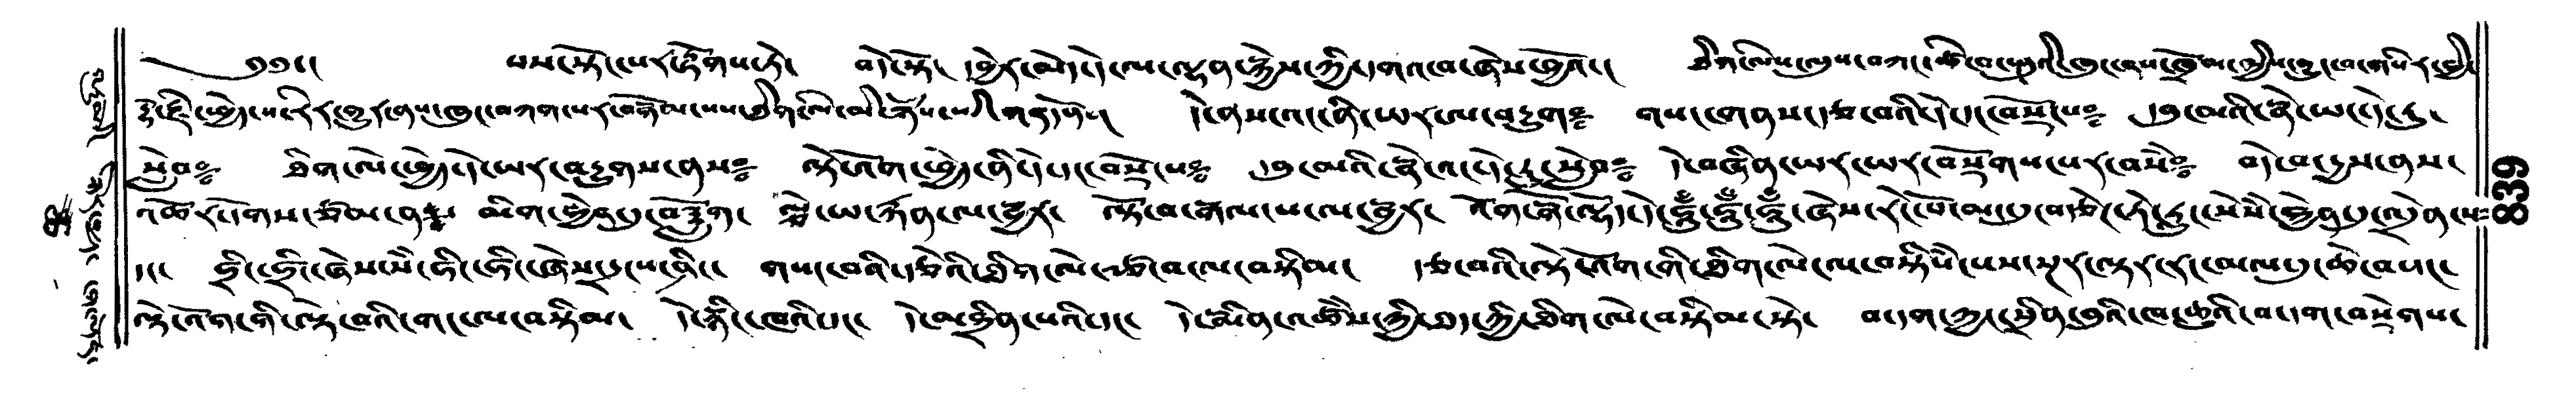པས་སྟོང་པར་རྟོགས་ཏེ། བདེ་སྟོང་དབྱེར་མེད་དེ་ལ་ལྷན་སྐྱེས་ཀྱི་དགའ་བ་ཞེས་བྱའོ། ཐིག་ལེས་ལུས་བཀང་ཚེ་བ་སྤུའི་ཁུང་ནས་ཁྲོམ་གྱིས་བྱུང་བ་གསེར་གྱི་
རྡོ་རྗེ་ཕྱེད་པ་རེར་གྱུར་ནས་ཁུང་བཀག་པར་བསྒོམས་པས་ཐིག་ལེ་མི་ཉམས་པའི་གནད་དོ། དེ་ནས་འང་ནི་ཡར་ལ་བརྒྱུག༔གསང་གནས་རྩ་བའི་དེ་དང་བསྡོངས༔ དབུ་མའི་སྣེ་ཡང་དེ་རུ་
སླེབ༔ ཐིག་ལེ་ཕྱེད་དེ་ཡར་བརྒྱུགས་ནས༔ ལྟེ་འོག་ཕྱེད་ནི་དེ་དང་བསྡོངས༔ དབུ་མའི་སྣེ་འང་དེ་རུ་སླེབས༔ དེ་བཞིན་ཡར་ཡར་བསྡོགས་པར་བསམ༔ བདེ་བ་རྒྱས་ནས་
འཆོར་དོགས་ཙམ་ན་མིག་གྱེན་དུ་བཟློག ལྕེ་ཡ་རྐན་ལ་སྦྱར། ལྟོ་བ་སྒལ་པ་ལ་སྦྱར། འོག་སྒོ་ལྷོད་དེ་ཧཱུྃ་ཧཱུྃ་ཧཱུྃ་ཞེས་རིང་པོ་མང་དུ་བརྩེགས་ཏེ་རླུང་སེམས་གྱེན་དུ་འདྲེན་པ་
དང་། ཧྲིཾ་ཧྲིཾ་ཞེས་སམ་ཧིང་ཧིང་ཞེས་དྲངས་ཤིང་། གསང་བའི་རྩེའི་ཐིག་ལེ་རྩ་བ་ལ་བསྟིམ། རྩ་བའི་ལྟེ་འོག་གི་ཐིག་ལེ་ལ་བསྟིམས་པས་སྔར་ལྟར་རང་མལ་དུ་ཆེ་བ་དང་། 
ལྟེ་འོག་གི་ལྟེ་བའི་གང་ལ་བསྟིམ། དེ་སྙིང་ཁའི་དང་། དེ་མགྲིན་པའི་དང་། དེ་སྨིན་མཚམས་ཀྱི་ཐད་ཀྱི་ཐིག་ལེ་ལ་བསྟིམ་སྟེ། བ་དག་ཀྱང་སྲིན་བུའི་ཁ་ཆུའི་བ་དག་བསྡོགས་